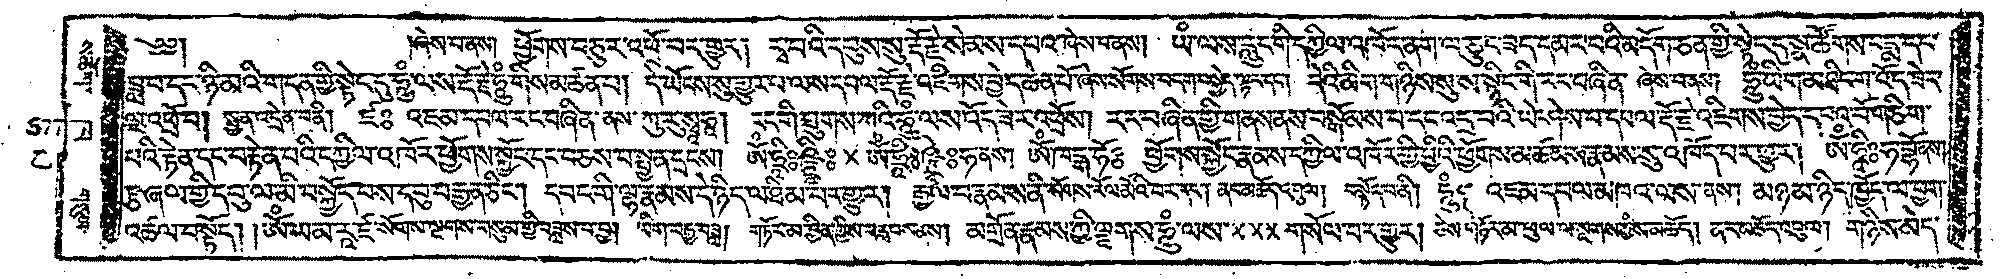༄༅། །ཞེས་པ་ནས།  ཕྱོགས་བཅུར་འཕྲོ་བར་གྱུར། རྭ་བའི་དབུས་སུ་རྡོ་རྗེ་སེམས་དཔའ་ཞེས་པ་ནས།  ཡཾ་ལས་རླུང་གི་དཀྱིལ་འཁོར་ནག་ལ་ཅུང་ཟད་དམར་བའི་མདོག་ཅན་གྱི་སྟེང་དུ་སྣ་ཚོགས་པདམ་དང་
ཟླ་བ་དང་ཉི་མའི་གདན་གྱི་སྟེང་དུ་ཧཱུཾ་ལས་རྡོ་རྗེ་ཧཱུཾ་གིས་མཚན་པ། དེ་ཡོངས་སུ་གྱུར་པ་ལས་དཔལ་རྡོ་རྗེ་འཇིགས་བྱེད་ཆེན་པོ་ཞེས་སོགས་བདག་བསྐྱེད་ལྟར་དང་།  དེའི་མིག་གཉིས་སུ་ས་སྙིང་གི་རང་བཞིན་ཞེས་པ་ནས།  ཧཱུཾ་ཡིག་མཐིང་ག་འོད་ཟེར་
ལྔ་འཕྲོ་བ། སྤྱན་འདྲེན་བ་ནི།  ཛཿ འཇམ་དཔལ་རང་བཞིན་ནས་ཀུ་རུ་སྭཱཧཱ། རང་གི་ཐུགས་ཀའི་ཧཱུཾ་ལས་འོད་ཟེར་འཕྲོས། རང་བཞིན་གྱི་གནས་ནས་བསྒོམས་པ་དང་འདྲ་པའི་ཡེ་ཤེས་པ་དཔལ་རྡོ་རྗེ་འཇིགས་བྱེད་དཔའ་བོ་གཅིག་
པའི་རྟེན་དང་བརྟེན་པའི་དཀྱིལ་འཁོར་ཕྱོགས་སྐྱོང་དང་བཅས་པ་སྤྱན་དྲངས། ཨོཾ་ཧྲཱིཿཥྚྲཱིཿ ྾་ཨོཾ་ཧྲཱིཿཥྚྲཱིཿཧ་ནས། ཨོཾ་ཁངྒ་ཧོཿ ཕྱོགས་སྐྱོང་རྣམས་དཀྱིལ་འཁོར་གྱི་ཕྱིའི་ཕྱོགས་མཚམས་རྣམས་སུ་འཁོད་པར་གྱུར། ཨོཾ་ཧྲཱིཿཧ་བྷོ་ནས།
རྩ་ཞལ་གྱི་དབུ་ལ་མི་བསྐྱོད་པས་དབུ་བརྒྱན་ཅིང་། དབང་གི་ལྷ་རྣམས་དེ་ཉིད་ལ་ཐིམ་པར་གྱུར། རྒྱལ་བ་རྣམས་ནི་སོགས་རོལ་མོའི་བར་དང་། ནང་མཆོད་འབུལ། བསྙོད་པ་ནི།  ཧཱུཾ༑ འཇམ་དཔལ་མཁའ་ལས་ནས།  མཉམ་ཉིད་ཁྱོད་ལ་ཕྱག་
འཚལ་བསྟོད། །ཨོཾ་ཡ་མ་རཱ་ཛ་སོགས་སྔགས་གསུམ་གྱི་བཟླས་པ་བྱ། ཡིག་བརྒྱ་བཟླ། གཏོར་མ་བྱིན་གྱིས་བརླབས་ནས།  མགྲོན་རྣམས་ཀྱི་ལྗགས་ཧཱུཾ་ལས་྾་྾་྾་གསོལ་བར་གྱུར། ཅེས་གཏོར་མ་ཕུལ་ལ་སྔགས་ཀྱིས་མཆོད། ནང་མཆོད་འབུལ།  གཉིས་མེད་